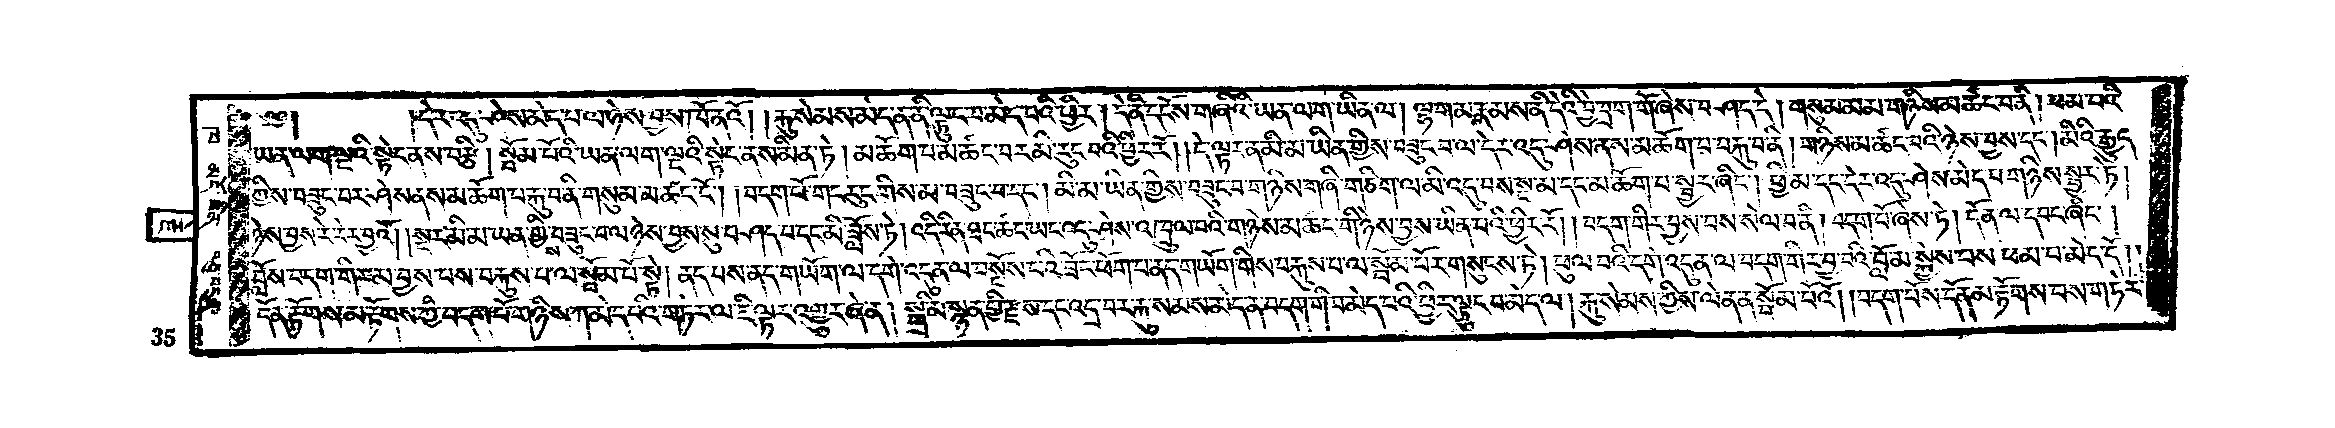༄༅། །དེར་འདུ་ཤེས་མེད་པ་ལ་ཉེས་བྱས་ཁོ་ནའོ། །རྐུ་སེམས་མེད་ན་ནི་ལྟུང་བ་མེད་པའི་ཕྱིར། དེ་ནི་དངོས་གཞིའི་ཡན་ལག་ཡིན་ལ། ལྷག་མ་རྣམས་ནི་དེའི་བྱེ་བྲག་གོ་ཞེས་བཤད་དེ། གསུམ་མམ་གཉིས་མ་ཚང་བ་ནི། ཕམ་པའི་
ཡན་ལག་ལྔའི་སྟེང་ནས་བརྩི། སྦོམ་པོའི་ཡན་ལག་ལྔའི་སྟེང་ནས་མིན་ཏེ། མ་ཆོག་པ་མ་ཚང་བར་མི་རུང་བའི་ཕྱིར་རོ། །དེ་ལྟར་ན་མི་མ་ཡིན་གྱིས་བཟུང་བ་ལ་དེར་འདུ་ཤེས་ནས་མ་ཆོག་པ་བརྐུ་བ་ནི། གཉིས་མ་ཚང་བའི་ཉེས་བྱས་དང་། མིའི་རྒྱུད་
ཀྱིས་བཟུང་བར་ཤེས་ནས་མ་ཆོག་པ་རྐུ་བ་ན་གསུམ་པ་ཚང་ངོ། །བདག་པོ་གང་རུང་གིས་མ་བཟུང་བ་དང་། མི་མ་ཡིན་གྱིས་བཟུང་བ་གཉིས་གཞི་གཅིག་ལ་མི་འདུ་བས་སྔ་མ་དང་མ་ཆོག་པ་སྦྱར་ཞིང་། ཕྱི་མ་དང་དེར་འདུ་ཤེས་མེད་པ་གཉིས་སྦྱར་ཏེ།
ཉེས་བྱས་རེ་རེར་བྱའོ། །སྔར་མི་མ་ཡིན་གྱིས་བཟུང་བ་ལ་ཉེས་བྱས་སུ་བཤད་པ་དང་མི་ཟློས་ཏེ། འདི་རིན་ཐང་ཚང་ཡང་འདུ་ཤེས་འཁྲུལ་པའི་གཉེས་མ་ཚང་གི་ཉེས་བྱས་ཡིན་པའི་ཕྱིར་རོ། །བདག་གིར་བྱས་པས་སལ་བ་ནི། བདག་པོ་ཞེས་ཏེ། དོན་ལ་དབང་ཞིང་།
བློས་བདག་གིར་མ་བྱས་པས་བརྐུས་པ་ལ་སྦོམ་པོ་སྟེ། ནད་པས་ནད་གཡོག་ལ་དགེ་འདུན་ལ་བསྔོས་པའི་ཟོང་ཕོག་པ་ནད་གཡོག་གིས་བརྐུས་པ་ལ་སྦོམ་པོར་གསུངས་ཏེ། ཕུལ་བའི་དགེ་འདུན་ལ་བདག་གིར་བྱ་བའི་བློ་མ་སྐྱེས་པས་ཕམ་པ་མེད་དོ། །
དོན་རྟོགས་མ་རྟོགས་ཀྱི་བདག་པོ་གཉིས་ཀ་མེད་པའི་གཏེར་ལ་ཇི་ལྟར་འགྱུར་ཞེ་ན། སྒྲ་མི་སྙན་གྱི་རྫས་དང་འདྲ་བར་རྐུ་སམས་མེད་ན་བདག་གི་བ་མེད་པའི་ཕྱིར་ལྟུང་བ་མེད་ལ། རྐུ་སེམས་ཀྱིས་ལེན་ན་སྦོམ་པོའོ། །བདག་པས་དོན་མ་རྟོགས་པས་གཏེར་